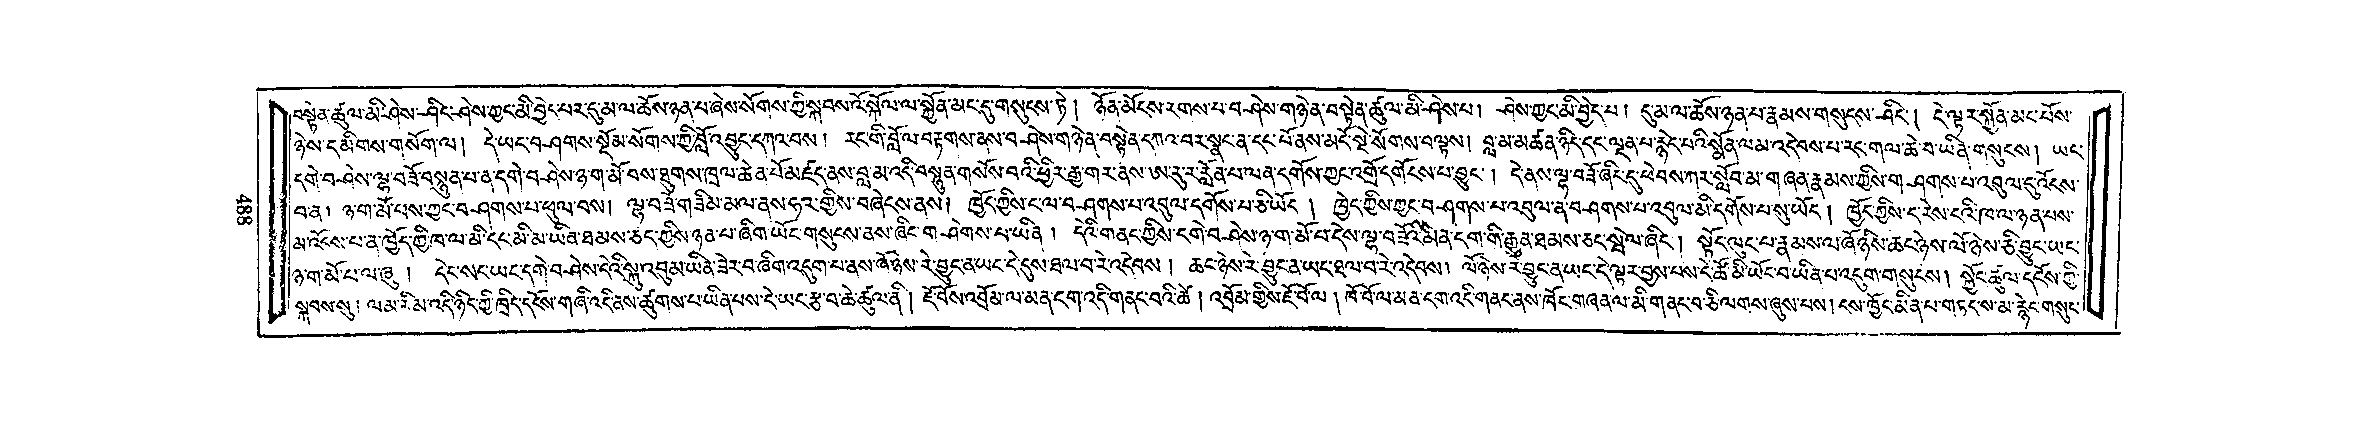བསྟེན་ཚུལ་མི་ཤེས་ཤིང་ཤེས་ཀྱང་མི་བྱེད་པར་དུ་མ་ལ་ཆོས་ཉན་པ་ཞེས་སོགས་ཀྱི་སྐབས་འོ་སྐོལ་ལ་སྐྱོན་མང་དུ་གསུངས་ཏེ། ཉོན་མོངས་རགས་པ་བཤེས་གཉེན་བསྟེན་ཚུལ་མི་ཤེས་པ། ཤེས་ཀྱང་མི་བྱེད་པ། དུ་མ་ལ་ཆོས་ཉན་པ་རྣམས་གསུངས་ཤིང་། དེ་ལྟར་སྐྱོན་མང་པོས་
ཉེས་དམིགས་གསོག་ལ། དེ་ཡང་བཤགས་སྡོམ་སོགས་ཀྱི་བློ་འབྱུང་དཀའ་བས། རང་གི་བློ་ལ་བརྟགས་ནས་བཤེས་གཉེན་བསྟེན་དཀའ་བར་སྣང་ན་དང་པོ་ནས་མདོ་སྡེ་སོགས་བལྟས། བླ་མ་མཚན་ཉིད་དང་ལྡན་པ་རྙེད་པའི་སྨོན་ལམ་འདེབས་པ་རང་གལ་ཆེ་བ་ཡིན་གསུངས། ཡང་
དགེ་བཤེས་ལྷ་བཟོ་བསྙུན་པ་ན་དགེ་བཤེས་ཉ་ག་མོ་བས་ཐུགས་ཁྲལ་ཆེན་པོ་མཛད་ནས་བླ་མ་འདི་བསྙུན་གསོས་བའི་ཕྱིར་རྒྱ་གར་ནས་ཨ་རུ་ར་རློན་པ་ལན་དགོས་ཀྱང་འགྲོ་དགོངས་པ་བྱུང་། དེ་ནས་ལྷ་བཟོ་ཞིང་དུ་ཕེབས་ཀར་སློབ་མ་གཞན་རྣམས་ཀྱིས་གཤགས་པ་འབུལ་དུ་འོངས་
བ་ན། ཉ་ག་མོ་པས་ཀྱང་བཤགས་པ་ཕུལ་བས། ལྷ་བཟོ་གཟིམ་མལ་ནས་ཧར་གྱིས་བཞེངས་ནས། ཁྱོད་ཀྱིས་ང་ལ་བཤགས་པ་འབུལ་དགོས་པ་ཅི་ཡོད། ཁྱེད་ཀྱིས་ཀྱང་བཤགས་པ་འབུལ་ན་བཤགས་པ་འབུལ་མི་དགོས་པ་སུ་ཡོད། ཁྱོད་ཀྱིས་ད་རེས་ངའི་ཁ་ལ་ཉན་པས་
མ་འོངས་པ་ན་ཁྱོད་ཀྱི་ཁ་ལ་མི་དང་མི་མ་ཡིན་ཐམས་ཅད་ཀྱིས་ཉན་པ་ཞིག་ཡོང་གསུངས་ནས་ཞིང་གཤེགས་པ་ཡིན། དེའི་གནད་ཀྱིས་དགེ་བཤེས་ཉ་ག་མོ་པ་དེས་ལྷ་བཟོའི་མན་ངག་གི་རྒྱུན་ཐམས་ཅད་སྦེལ་ཞིང་། སྟོད་ལུང་པ་རྣམས་ལ་ཞོ་ཉིས་ཆང་ཉེས་ལོ་ཉེས་ཅི་བྱུང་ཡང་
ཉ་ག་མོ་པ་ལ་ཞུ། དེང་སང་ཡང་དགེ་བཤེས་དེའི་སྐུ་འབུམ་ཡིན་ཟེར་བ་ཞིག་འདུག་པ་ནས་ཞོ་ཉེས་རེ་བྱུང་ན་ཡང་དེ་དུས་ཐལ་བ་རེ་འདེབས། ཆང་ཉེས་རེ་བྱུང་ན་ཡང་ཐལ་བ་རེ་འདེབས། ལོ་ཉེས་རེ་བྱུང་ན་ཡང་དེ་ལྟར་བྱས་པས་དེ་ཚོ་མི་ཡོང་བ་ཡིན་པ་འདུག་གསུངས། སྐྱོང་ཚུལ་དངོས་ཀྱི་
སྐབས་སུ། ལམ་རིམ་འདི་ཉིད་ཀྱི་ཁྲིད་དངོས་གཞི་འདི་ནས་ཚུགས་པ་ཡིན་པས་དེ་ཡང་རྩ་བ་ཆེ་ཚུལ་ནི། ཇོ་བོས་འབྲོམ་ལ་མན་ངག་འདི་གནང་བའི་ཚེ། འབྲོམ་གྱིས་ཇོ་བོ་ལ། ཁོ་བོ་ལ་མན་ངག་འདི་གནང་ནས་ཁོང་གཞན་ལ་མི་གནང་བ་ཅི་ལགས་ཞུས་པས། ངས་ཁྱོད་མིན་པ་གཏད་ས་མ་རྙེད་གསུང་